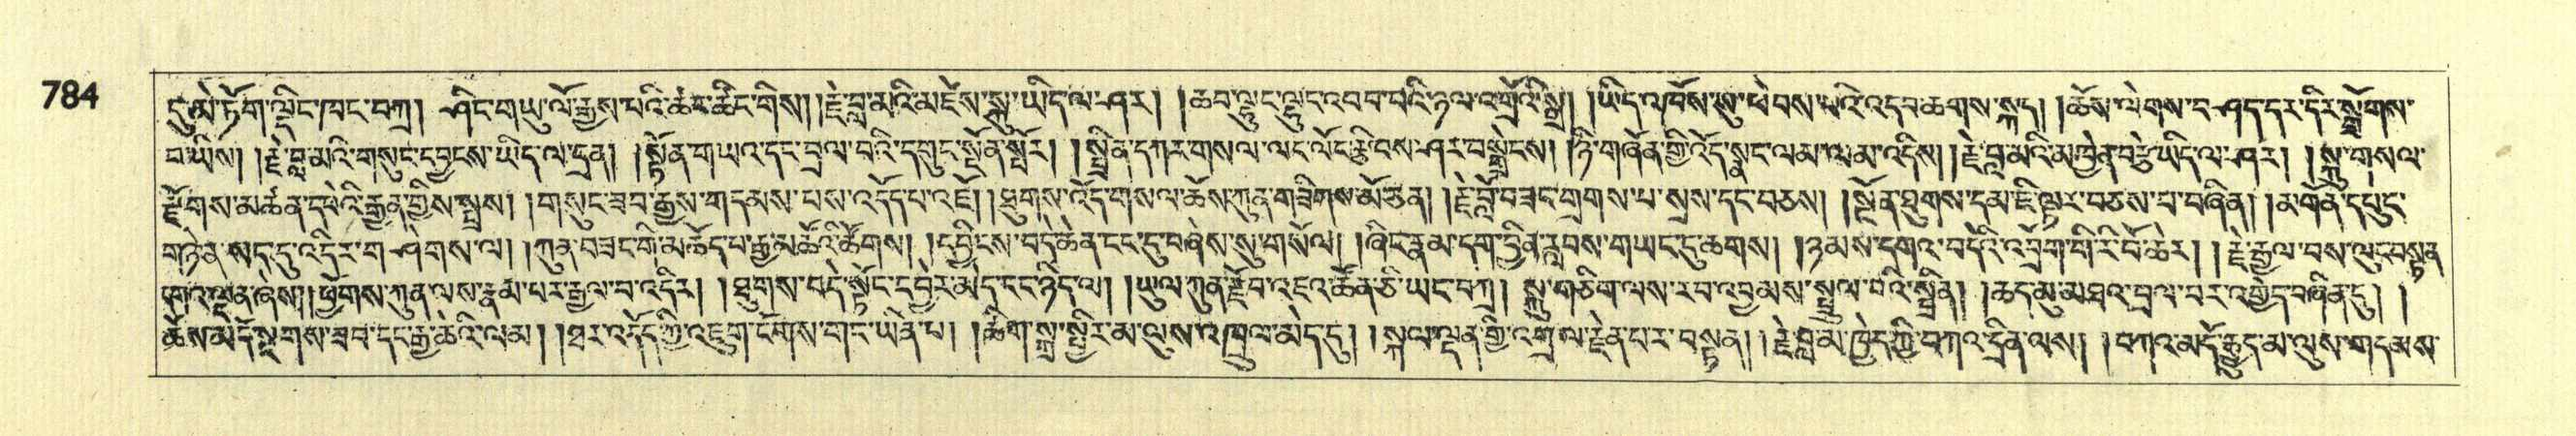དུ་མེ་ཏོག་ལྡིང་ཁང་བཀྲ། ཤིང་གཡུ་ལོ་རྒྱས་པའི་ཚང་ཚིང་གིས། །རྗེ་བླ་མའི་མཛེས་སྐུ་ཡིད་ལ་ཤར། །ཆབ་ལྷུང་ལྷུང་འབབ་བའི་ཉལ་འགྲོའི་སྒྲ། །ཡིད་འཁོས་སུ་ཕེབས་པའི་འདབ་ཆགས་སྐད། །ཆོས་ལེགས་བཤད་དར་དིར་སྒྲོགས་
བ་ཡིས། །རྗེ་བླ་མའི་གསུང་དབྱངས་ཡིད་ལ་དྲན། །སྟོན་གཡའ་དང་བྲལ་བའི་དགུང་སྔོན་སྤོར། །སྤྲིན་དཀར་གསལ་ལང་ལོང་རྩིབས་ཤར་བསྒྲེངས། །ཉི་གཞོན་གྱི་འོད་སྣང་ལམ་ལམ་འདིས། །རྗེ་བླ་མའི་མཁྱེན་བརྩེ་ཡིད་ལ་ཤར། །སྐུ་གསལ་
རྫོགས་མཚན་དཔེའི་རྒྱན་གྱིས་སྤྲས། །གསུང་ཟབ་རྒྱས་གདམས་པས་འདོད་པ་འཇོ། །ཐུགས་འོད་གསལ་ཆོས་ཀུན་གཟིགས་མོ་ཅན། །རྗེ་བློ་བཟང་གྲགས་པ་སྲས་དང་བཅས། །སྔོན་ཐུགས་དམ་ཇི་ལྟར་བཅས་པ་བཞིན། །མགོན་དཔུང་
གཉེན་སང་དུ་འདིར་གཤེགས་ལ། །ཀུན་བཟང་གི་མཆོད་པ་རྒྱ་མཚོའི་ཚོགས། །དབྱིངས་བདེ་ཆེན་ངང་དུ་བཞེས་སུ་གསོལ། །ཞིང་རྣམ་དག་བྱིན་རླབས་གཡང་དུ་ཆགས། །ཉམས་དགའ་བདེའི་འབྲོག་གི་རི་བོ་ཆེར། །རྗེ་རྒྱལ་བས་ལུང་བསྟན་
དགའ་ལྡན་ཞེས། །ཕྱོགས་ཀུན་ལས་རྣམ་པར་རྒྱལ་བ་འདིར། །ཐུགས་བདེ་སྟོང་དབྱེར་མེད་དང་ཉིད་ལ། །ཡུལ་ཀུན་རྫོབ་འཇའ་ཚོན་ཅི་ཡང་བཀྲ། སྐུ་གཅིག་ལས་རབ་འབྱམས་སྤྲུལ་བའི་སྤྲིན། །ཆད་མུ་མཐའ་བྲལ་བར་འགྱེད་བཞིན་དུ། །
ཆོས་མདོ་སྔགས་ཟབ་དང་རྒྱ་ཆེའི་ལམ། །ཐར་འདོད་ཀྱི་འཇུག་ངོགས་གང་ཡིན་པ། །ཚིག་སྒྲ་སྤྱིར་མ་ལུས་འཁྲུལ་མེད་དུ། །སྐལ་ལྡན་གྱི་འབྲལ་རྗེན་པར་བསྟན། །རྗེ་བླ་མ་ཁྱེད་ཀྱི་བཀའ་དྲིན་ལས། །བཀའ་མདོ་རྒྱུད་མ་ལུས་གདམས་